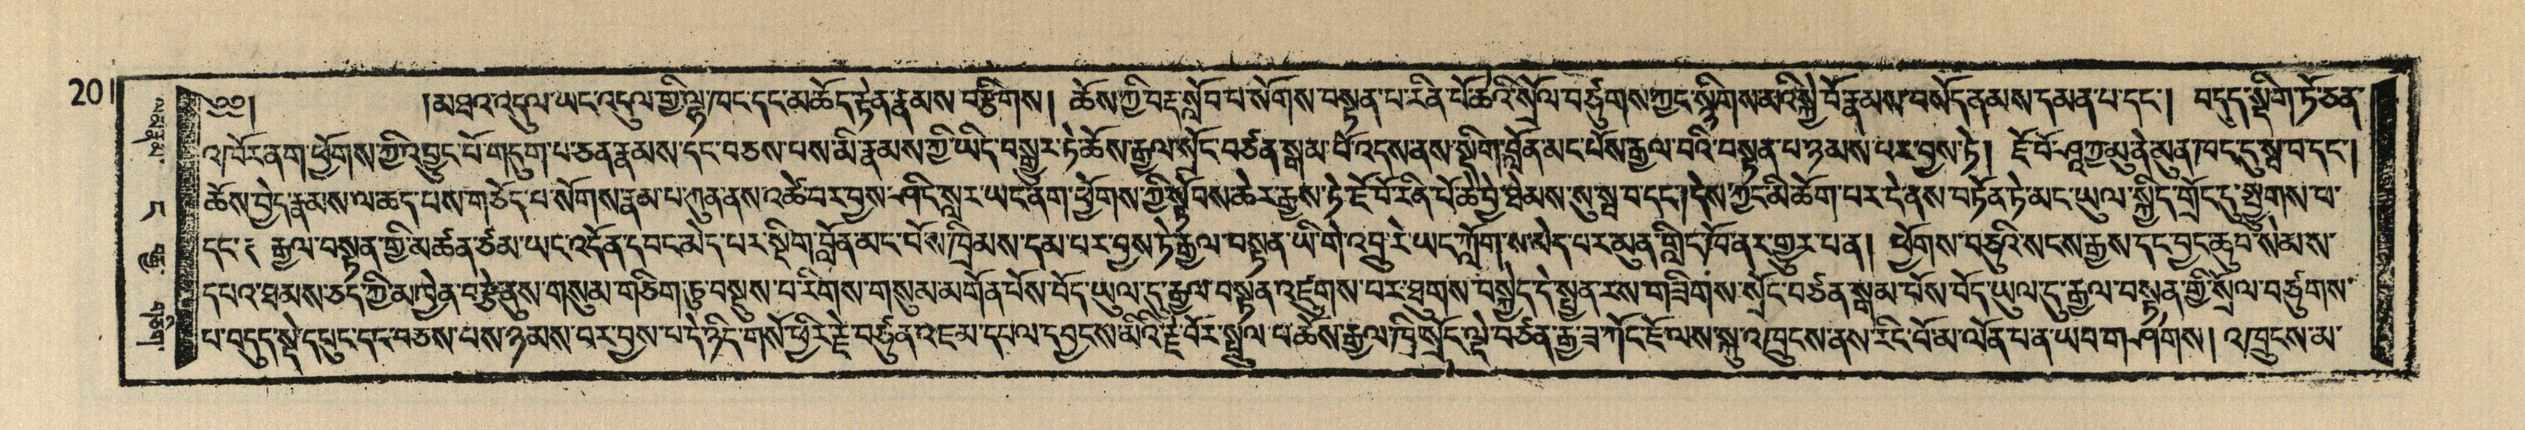༄༅། །མཐའ་འདུལ་ཡང་འདུལ་གྱི་ལྷ་ཁང་དང་མཆོད་རྟེན་རྣམས་བརྩིགས། ཆོས་ཀྱི་བརྡ་སློབ་པ་སོགས་བསྟན་པ་རིན་པོ་ཆེའི་སྲོལ་བཙུགས་ཀྱང་སྙིགས་མའི་སྐྱེ་བོ་རྣམས་བསོད་ནམས་དམན་པ་དང་། བདུད་སྡིག་ཏོ་ཅན་
འཁོར་ནག་ཕྱོགས་ཀྱི་འབྱུང་པོ་གདུག་པ་ཅན་རྣམས་དང་བཅས་པས་མི་རྣམས་ཀྱི་ཡིད་བསྒྱུར་ཏེ་ཆོས་རྒྱལ་སྲོང་བཙན་སྒམ་པོ་འདས་ནས་སྡིག་བློན་མང་པོས་རྒྱལ་བའི་བསྟན་པ་ཉམས་པར་བྱས་ཏེ། ཇོ་བོ་ཤཱཀྱ་མུ་ནེ་མུན་ཁང་དུ་སྦ་བ་དང་།
ཆོས་བྱེད་རྣམས་ལ་ཆད་པས་གཅོད་པ་སོགས་རྣམ་པ་ཀུན་ནས་འཚེ་བར་བྱས་ཤིང་སླར་ཡང་ནག་ཕྱོགས་ཀྱི་སྟོབས་ཆེར་རྒྱས་ཏེ་ཇོ་བོ་རིན་པོ་ཆེ་བྱེ་ཐེམས་སུ་སྤ་བ་དང་། དེས་ཀྱང་མི་ཆོག་པར་དེ་ནས་བཏོན་ཏེ་མང་ཡུལ་སྐྱིད་གྲོང་དུ་སྤྱུགས་པ་
དང༑ རྒྱལ་བསྟན་གྱི་མཚན་ཙམ་ཡང་འདོན་དབང་མེད་པར་སྡིག་བློན་མང་པོས་ཁྲིམས་དམ་པར་བྱས་ཏེ་རྒྱལ་བསྟན་ཡི་གེ་འབྲུ་རེ་ཡང་ཀློག་ས་མེད་པར་མུན་གླིང་ཁོ་ནར་གྱུར་པ་ན། ཕྱོགས་བཅུའི་སངས་རྒྱས་དང་བྱང་ཆུབ་སེམས་
དཔའ་ཐམས་ཅད་ཀྱི་མཁྱེན་བརྩེ་ནུས་གསུམ་གཅིག་ཏུ་བསྡུས་པ་རིགས་གསུམ་མགོན་པོས་བོད་ཡུལ་དུ་རྒྱལ་བསྟན་འཛུགས་པར་ཐུགས་བསྐྱེད་དེ་སྤྱན་རས་གཟིགས་སྲོང་བཙན་སྒམ་པོས་བོད་ཡུལ་དུ་རྒྱལ་བསྟན་གྱི་སྲོལ་བཙུགས་
པ་བདུད་སྡེ་དཔུང་དང་བཅས་པས་ཉམས་བར་བྱས་པ་དེ་ཉིད་གསོ་ཕྱིར་རྗེ་བཙུན་འཇམ་དཔལ་དབྱངས་མིའི་རྗེ་བོར་སྤྲུལ་པ་ཆོས་རྒྱལ་ཁྲི་སྲོང་ལྡེ་བཙན་རྒྱ་ཟ་ཀོང་ཇོ་ལས་སྐུ་འཁྲུངས་ནས་རིང་བོ་མ་ལོན་པ་ན་ཡབ་གཤེགས། འཁྲུངས་མ་